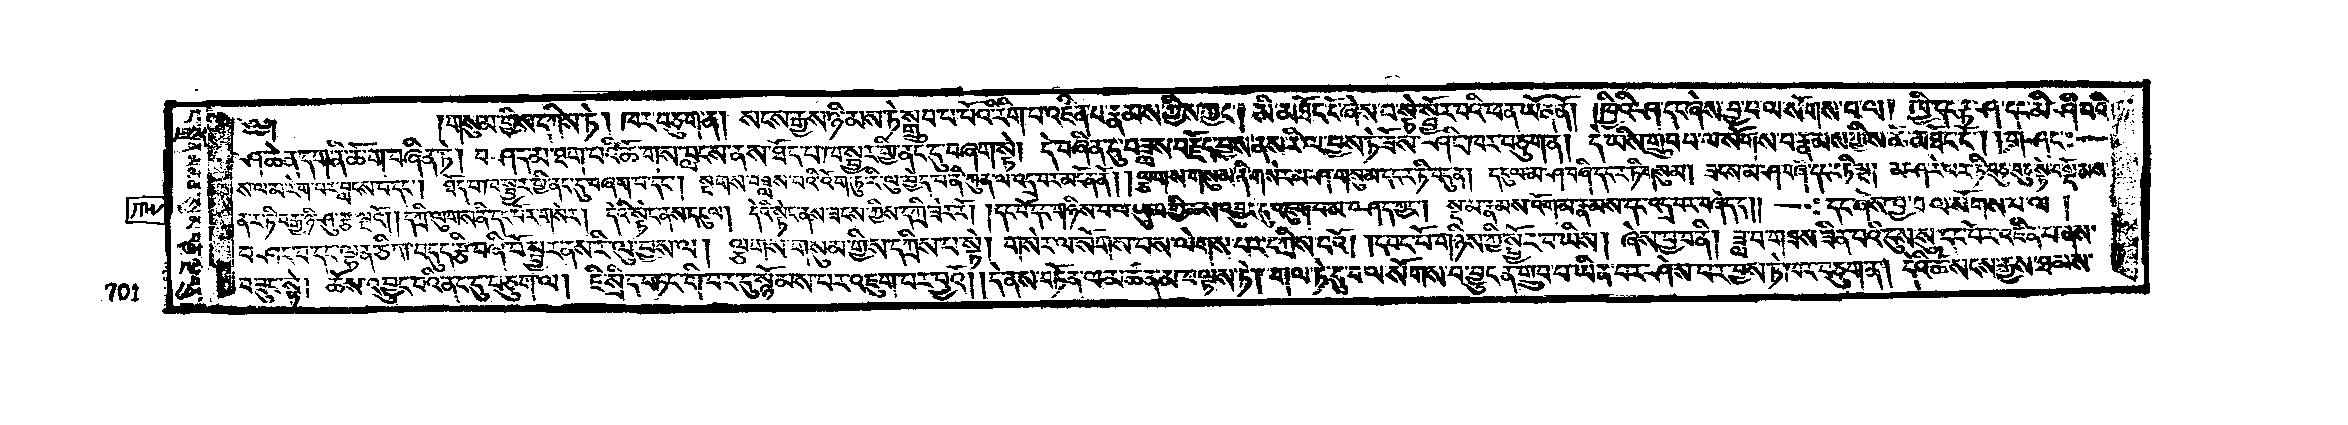༄༅། །གསུམ་གྱིས་དཀྲིས་ཏེ། ཁར་བཅུག་ན། སངས་རྒྱས་ཉི་མས་ཏེ་སྒྲུབ་པ་པོའི་རིག་པ་འཛིན་པ་རྣམས་ཀྱིས་ཀྱང་། མི་མཐོང་ངོ་ཞེས་པ་སྟེ་སྦྱོར་བའི་ཕན་ཡོན་ནོ། །ཁྱིའི་ཤ་དང་ཞེས་བྱ་བ་ལ་སོགས་པ་ལ། ཁྱི་དང་རྟ་ཤ་དང་མི་ཤི་བའི་
ཤ་ཆེན་དག་ནི་ཆོ་ག་བཞིན་ཏེ། བཤད་མ་ཐག་པའི་ཆོ་གས་བླངས་ནས་ཐོད་པ་ཁ་སྦྱར་གྱི་ནང་དུ་བཞག་སྟེ། དེ་བཞིན་དུ་བཟླས་བརྗོད་བྱས་ནས་རི་ལ་བྱས་ཏེ་ཟོས་ཤིང་ཁར་བཅུག་ན། དེ་ཡིས་གྲུབ་པ་ལ་སོགས་པ་རྣམས་ཀྱིས་མེ་མཐོང་ངོ། །གཤངཿ
ས་ལ་མ་རེག་པར་བླངས་པ་དང་། ཐོད་པ་ཁ་སྦྱར་གྱི་ནང་དུ་བཞག་པ་དང་། སྔགས་བཟླས་པའི་འོག་ཏུ་རི་ལུ་བྱེད་པ་ནི་ཀུན་ལ་འདྲ་བར་མངོན་ནོ། །ལྕགས་གསུམ་ནི་གསེར་མ་ཤ་གསུམ་དང་ར་ཏི་བདུན། དངུལ་མ་ཤ་བཞི་དང་ར་ཏི་གསུམ། ཟངས་མ་ཤ་བཞི་དང་ར་ཏི་ལྔ། མ་ཤ་རེ་ལ་ར་ཏི་བཅུ་བཅུ་སྟེ་བསྡོམས་
ན་ར་ཏི་བརྒྱ་ཉི་ཤུ་རྩ་ལྔའི། །དཀྲི་ལུགས་ནི་དང་པོར་གསེར། དེའི་སྟེང་ནས་དངུལ། དེའི་སྟེང་ནས་ཟངས་ཀྱིས་དཀྲི་ཟེར་རོ། །དང་པོ་དང་གཉིས་པ་ལ་ཡུམ་གྱི་ཆས་འབྱུང་དུ་འཇུག་པ་མ་བཤད་ཀྱང་། སྔ་མ་རྣམས་འོག་མ་རྣམས་དང་འདྲ་བར་བཞེད་དེ།། .Hདང་ཞེས་བྱ་བ་ལ་སོགས་པ་ལ།
བཤང་བ་དང་ལྷན་ཅིག་བདུད་རྩི་བཞི་པོ་སྦྱར་ནས་རི་ལུ་བྱས་ལ། ལྕགས་གསུམ་གྱིས་དཀྲིས་པ་སྟེ། གསེར་ལ་སོགས་པས་ལེགས་པར་དཀྲིས་པའོ། །དབང་པོ་གཉིས་ཀྱི་སྦྱོར་བ་ཡིས། ཞེས་བྱ་བ་ནི། ཟླ་བ་གཟས་ཟིན་པའི་དུས་སུ་དང་པོར་འཛིན་པ་ནས་
བཟུང་སྟེ། ཆོས་འབྱུང་བའི་ནང་དུ་བཅུག་ལ། ཇི་སྲིད་བཏང་གི་བར་དུ་སྙོམས་པར་འཇུག་པར་བྱའོ། །དེ་ནས་བཏོན་ལ་མཚན་མ་བལྟས་ཏེ། གལ་ཏེ་དུ་བ་ལ་སོགས་པ་བྱུང་ན་གྲུབ་པ་ཡིན་པར་ཤེས་པར་བྱས་ཏེ་ཁར་བཅུག་ན། དེའི་ཚེ་སངས་རྒྱས་ཐམས་